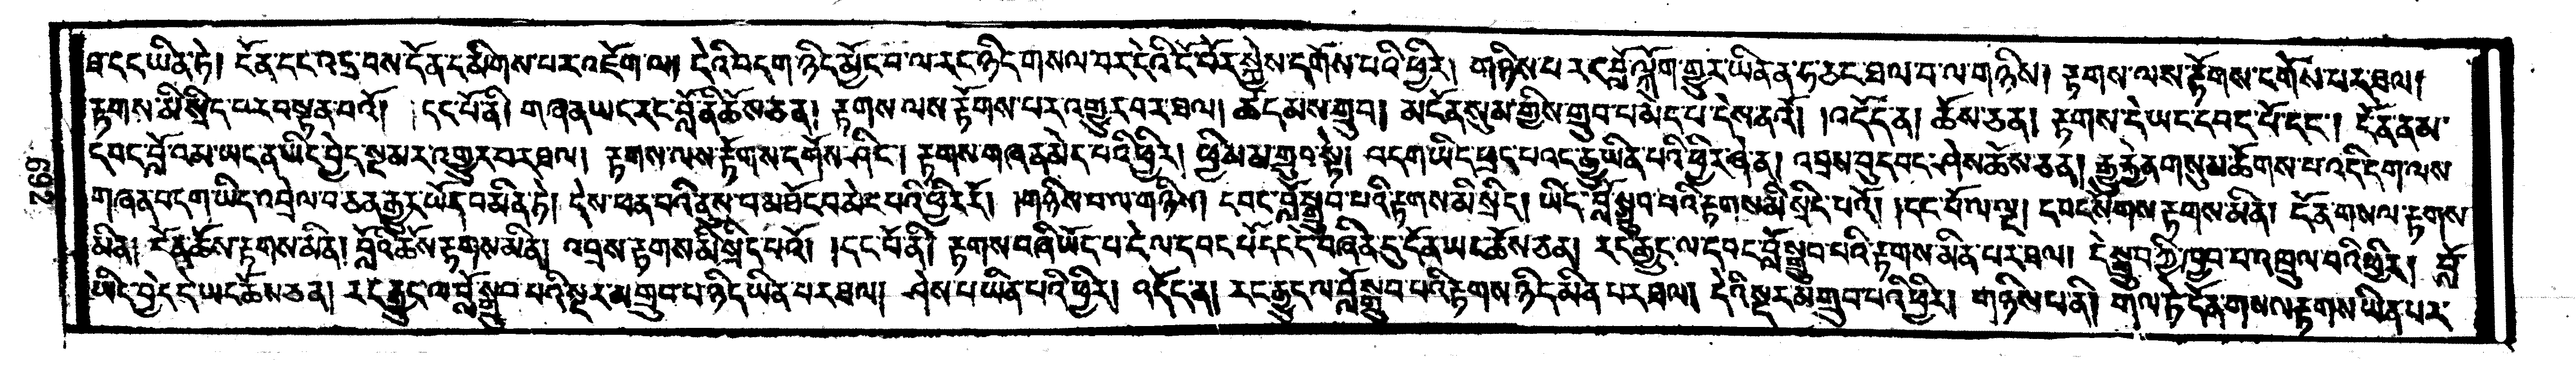ཐ་དང་ཡིན་ཏེ། དོན་དང་འདྲ་བས་དོན་དམིགས་པར་འཇོག་ལ། དེའི་བདག་ཉིད་མྱོང་བ་ལ་རང་ཉིད་གསལ་བར་དེའི་ངོ་བོར་སྐྱེས་དགོས་པའི་ཕྱིར། གཉིས་པ་རང་བློ་ལྐོག་གྱུར་ཡིན་ན་ཧ་ཅང་ཐལ་བ་ལ་གཉིས། རྟགས་ལས་རྟོགས་དགོས་པར་ཐལ།
རྟགས་མི་སྲིད་པར་བསྟན་པའོ། །དང་པོ་ནི། གཞན་ཡང་རང་བློ་ནི་ཆོས་ཅན། རྟགས་ལས་རྟོགས་པར་འགྱུར་བར་ཐལ། ཚད་མས་གྲུབ། མངོན་སུམ་གྱིས་གྲུབ་པ་མེད་པ་དེས་ནའོ། །འདོད་ན། ཆོས་ཅན། རྟགས་དེ་ཡང་དབང་པོ་དང་། དོན་ནམ་
དབང་བློ་འམ་ཡང་ན་ཡིད་བྱེད་སྔ་མར་འགྱུར་བར་ཐལ། རྟགས་ལས་རྟོགས་དགོས་ཤིང་། རྟགས་གཞན་མེད་པའི་ཕྱིར། ཕྱི་མ་མ་གྲུབ་སྟེ། བདག་ཡིད་ཕྲད་པའང་རྒྱུ་ཡིན་པའི་ཕྱིར་ཞེ་ན། འབྲས་བུ་དབང་ཤེས་ཆོས་ཅན། རྒྱུ་རྐྱེན་གསུམ་ཆོགས་པ་འདི་དག་ལས་
གཞན་བདག་ཡིད་འབྲེལ་བ་ཅན་རྒྱུར་ཡོད་བ་ནི་ཏེ། དེས་ཕན་པའི་ནུས་བ་མཐོང་བ་མེད་པའི་ཕྱིར་རོ། །གཉིས་པ་ལ་གཉིས། དབང་བློ་སྒྲུབ་པའི་རྟགས་མི་སྲིད། ཡིད་བློ་སྒྲུབ་པའི་རྟགས་མི་སྲིད་པའོ། །དང་པོ་ལ་ལྔ། དབང་སོགས་རྟགས་མིན། དོན་གསལ་རྟགས་
མིན། དོན་ཆོས་རྟགས་མིན། བློའི་ཆོས་རྟགས་མིན། འབྲས་རྟགས་མི་སྲིད་པའོ། །དང་པོ་ནི། རྟགས་བཞི་ཡོད་པ་དེ་ལ་དབང་པོ་དང་དེ་བཞིན་དུ་དོན་ཡང་ཆོས་ཅན། རང་རྒྱུད་ལ་དབང་བློ་སྒྲུབ་པའི་རྟགས་མིན་པར་ཐལ། དེ་སྒྲུབ་ཀྱི་ཁྱབ་པ་འཁྲུལ་བའི་ཕྱིར། བློ་
ཡིད་བྱེད་དེ་ཡང་ཆོས་ཅན། རང་རྒྱུད་ལ་བློ་སྒྲུབ་པའི་སྔར་མ་གྲུབ་པ་ཉིད་ཡིན་པར་ཐལ། ཤེས་པ་ཡིན་པའི་ཕྱིར། འདོད་ན། རང་རྒྱུད་ལ་བློ་སྒྲུབ་པའི་རྟགས་ཉིད་མིན་པར་ཐལ། དེའི་སྔར་མ་གྲུབ་པའི་ཕྱིར། གཉིས་པ་ནི། གལ་ཏེ་དོན་གསལ་རྟགས་ཡིན་པར་